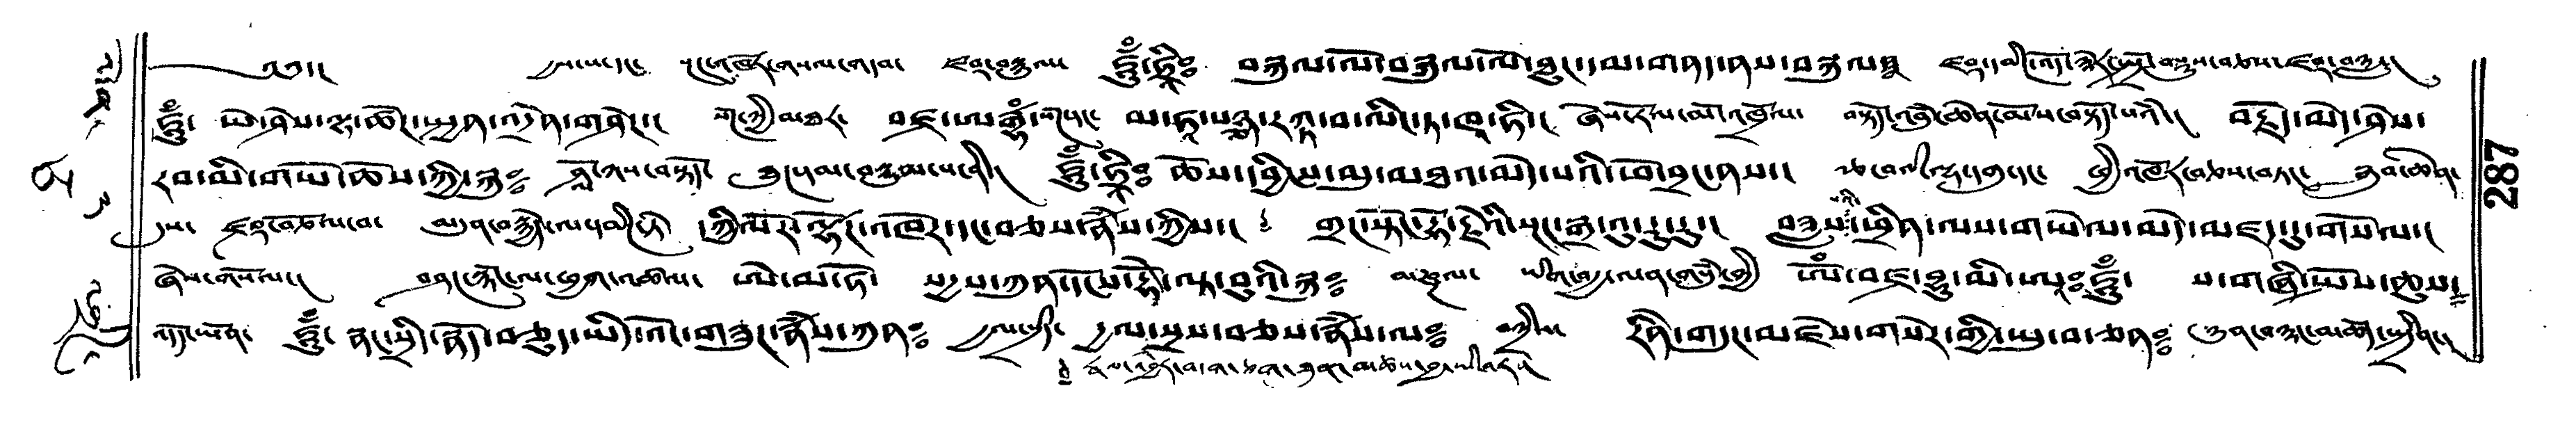རྒྱས་པ་དང་། སྔགས་འཁོར་གསལ་གདབ། ཛཔྲ་བསྐུལ། ཧཱུྃ་ཧྲཱི༔ བསྐུལ་ལོ་བསྐུལ་ལོ་ཐུགས་དམ་གནད་ནས་བསྐུལ༔ ཛཔྲ་དམིགས་འོད་ཟེར་སྤྲོ་བསྡུས་བཅས་ཛཔྲ་བཟླ། 
ཧཱུྃ། ཡེ་ཤེས་ལྷ་ཚོགས་སྤྱན་འདྲེན་གཤེགས། སོགས་ཀྱི་མཐར། བཛྲ་ཨརྒྷཾ༴ སོགས་དང་། མ་ཧཱ་པཉྩ་རཀྟ་བ་ལིང་ཏ་ཁཱ་ཧི། ཞེས་རོལ་མོ་འཁྲོལ། བསྟོད་འབུམ་ཆེན་མོས་བསྟོད་པའམ། བརྗོད་མེད་ཤེས་
རབ་མི་གཡོ་ཆོས་ཀྱི་སྐུ༔ ཤླཽ་ཀས་བསྟོད། ཐུགས་དམ་བསྐྲུལ་པ་ནི། ཧཱུྃ་ཧྲཱི༔ ཆོས་དབྱིངས་མུ་མཐའ་མེད་པའི་ཕོ་བྲང་ནས༔ རྩ་བའི་ལྷ་དགུ་དང་། ཕྱི་འཁོར་བཅས་གཏང་། སྒྲུབ་ཆེན་
དུས་ཛཔྲ་བཅོལ་བ། མདུན་བསྐྱེད་ལ་དམིགས་ཏེ། །དཀྱིལ་འཁོར་ལྷ་ཚོགས་འཁོར་དང་བཅས་རྣམས་ཀྱིས། རྣལ་འབྱོར་བདག་ཅག་ཐུན་མཚམས་བྱ་ཡི་བར། གྲགས་སྟོང་རྡོ་རྗེའི་སྔགས་སྒྲ་འུ་རུ་རུ། །བཟླས་པའི་ཕྲིན་ལས་གཡོལ་མེད་མཛད་དུ་གསོལ། 
ཞེས་གསོལ། བཤགས་སྐོང་ལ་ཕྱག་འཚལ། ཨེ་མ་ཧོ༔ སངས་རྒྱས་ཀུན་དངོས་རྡོ་རྗེ་ལྟ་བུའི་སྐུ༔ མཎྜལ། ཡིག་བརྒྱ་ལན་གསུམ་གྱི། ཨོཾ་བཛྲ་བྷུ་མི་ཨཱཿཧཱུྃ། ས་གཞི་སྤོས་ཆུས༴ 
འདོད་ཡོན། ཧཱུྃ༔ སྣང་སྲིད་སྣོད་བཅུ་ཡིད་འོང་གཟུགས་རྣམས་ཀུན༔ རྒྱལ་སྲིད། རྒྱལ་སྲས་བཅས་རྣམས་ལ༔ བཀྲ་ཤིས། ས རིན་ཆེན་གདུགས་མཛེས་གསེར།གྱི་ཡུ་བ་ཅན༔ ཀུན་བཟང་མཆོད་སྤྲིན།